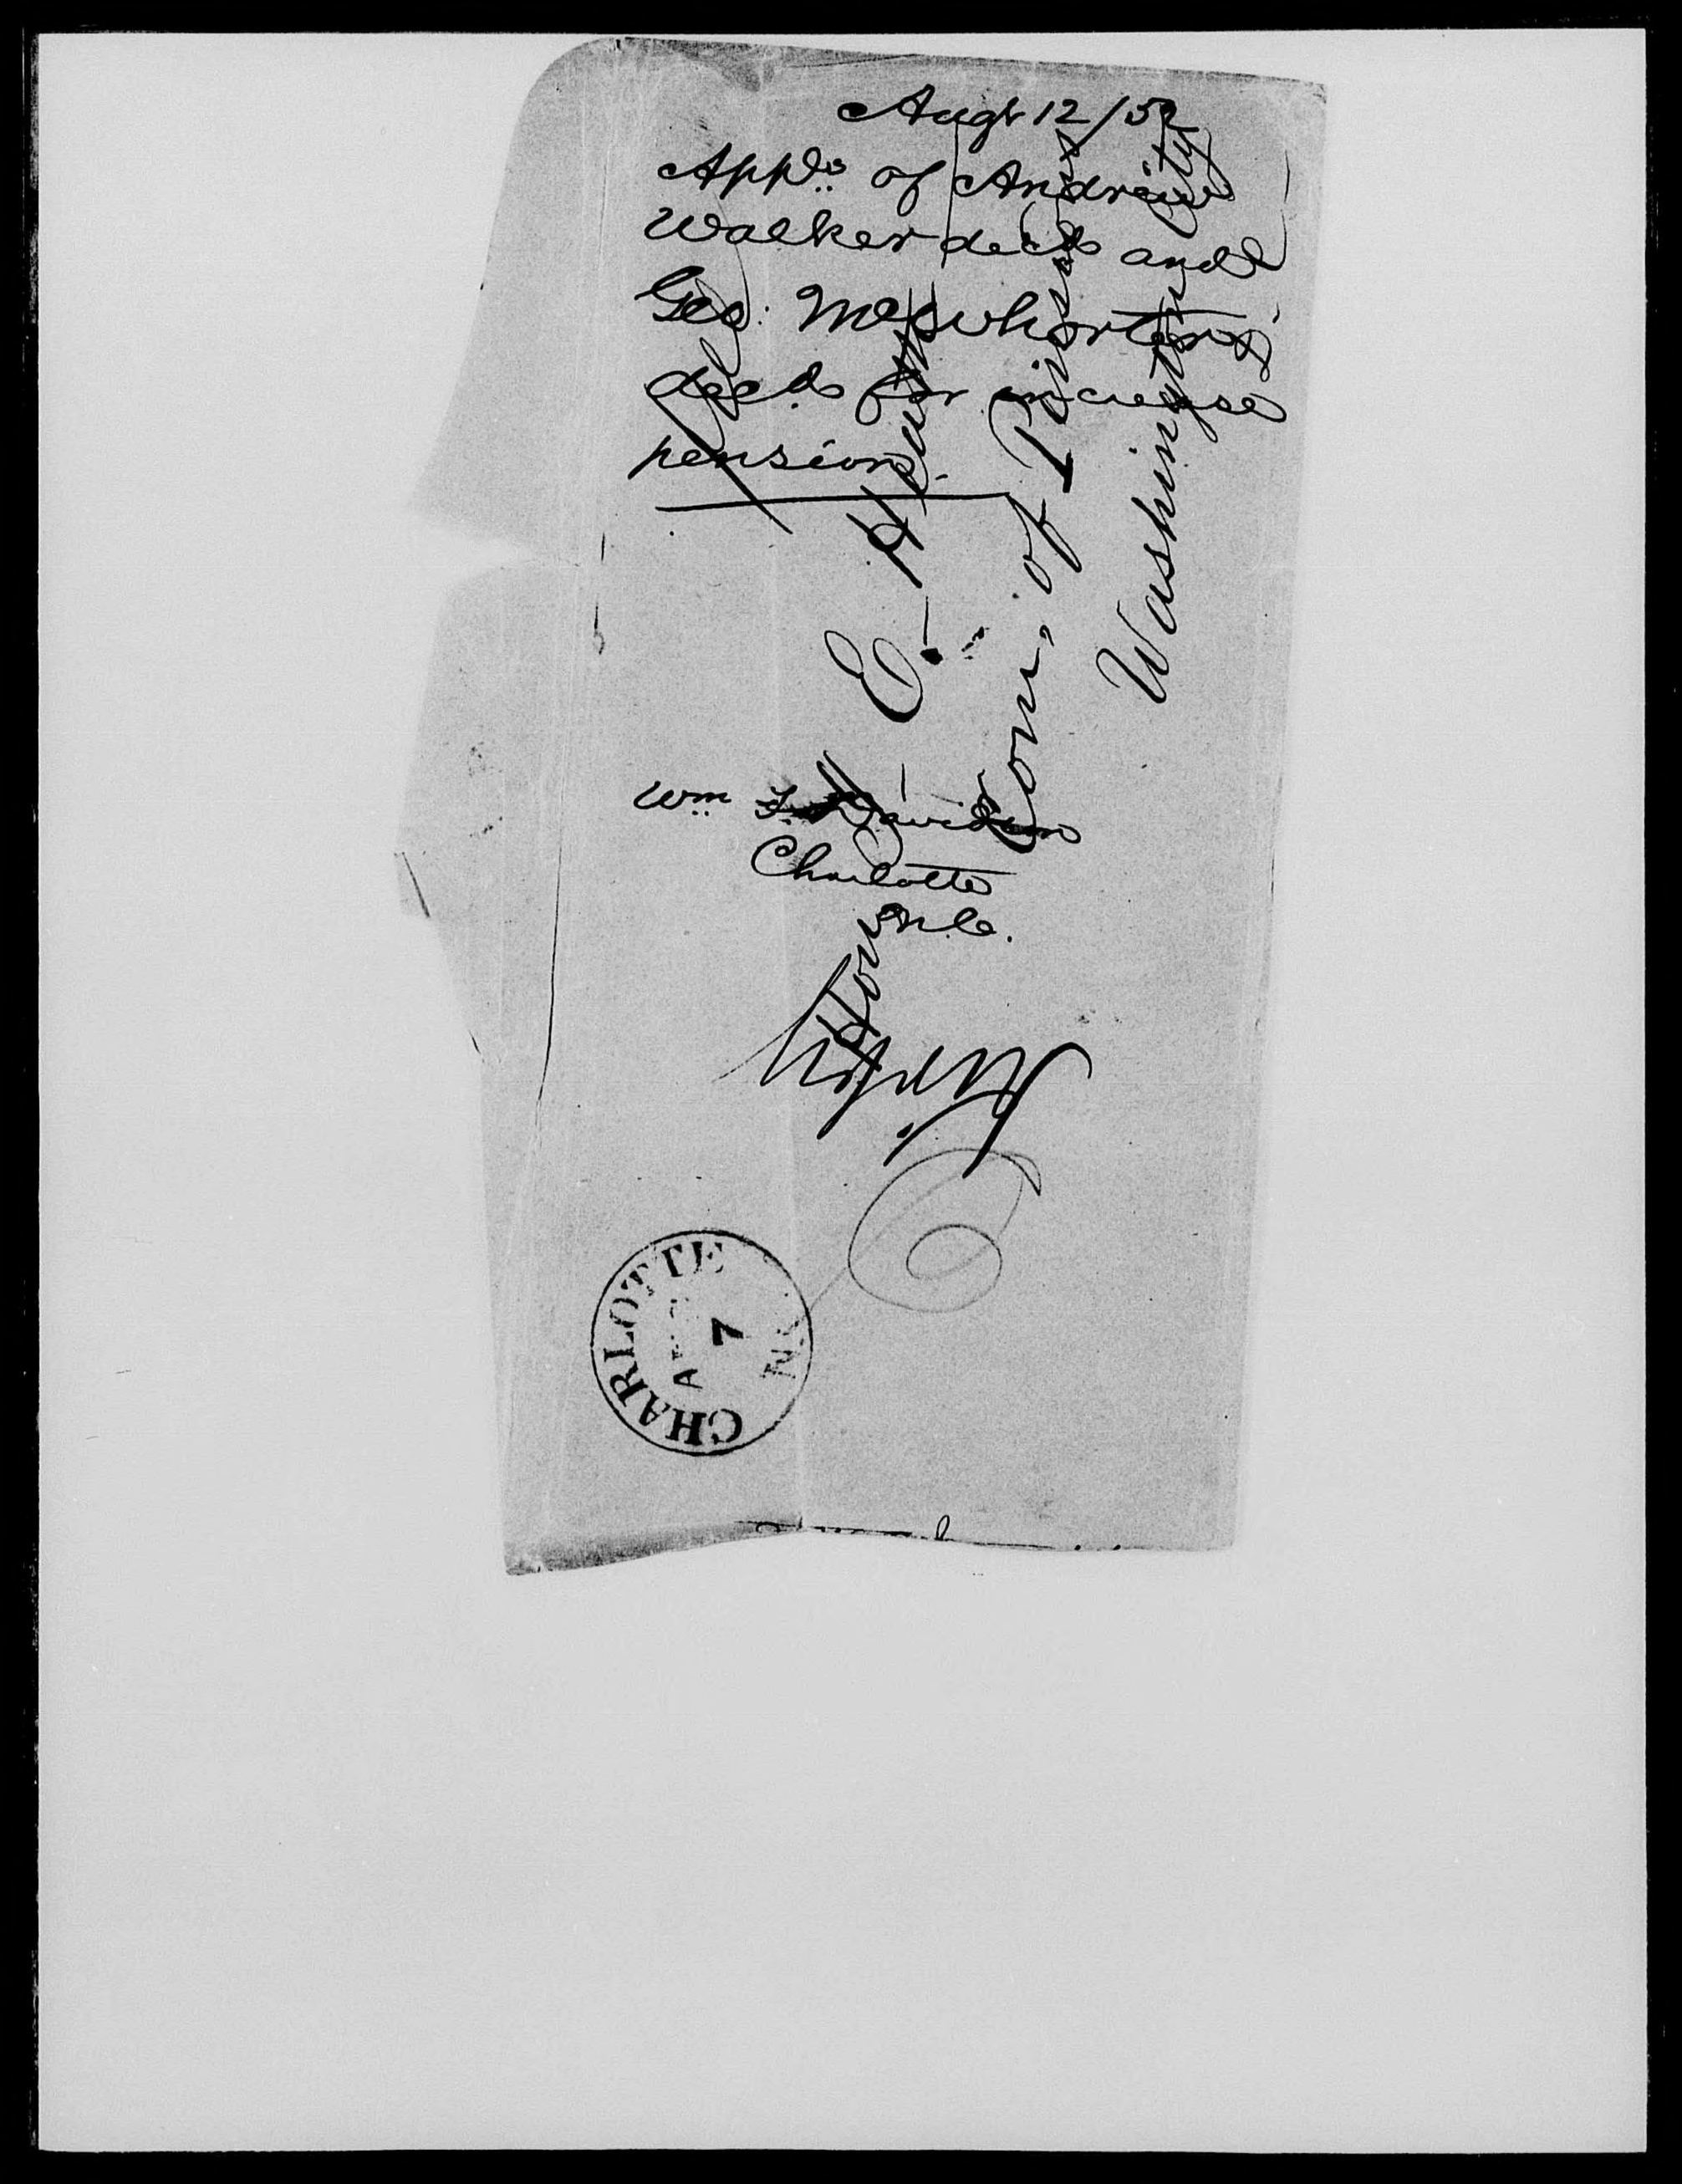Augt 12 / 52 Appl. of Andrew Walker and Geo. McWhorter  deed for increase pension   Wm. F. Davidson  Charlotte N.C. ( vertical on page ) ( J. E. Heath Com. of Pensions  Washington  City  D.C. ) ( upside down on page ) (  Kirby ? ) ( post mark ) [ CHARLOTTE N.C. AUG 7 ]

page: 17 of 35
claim: survivor's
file: S. 9,011, for George Mc Whorter, North Carolina